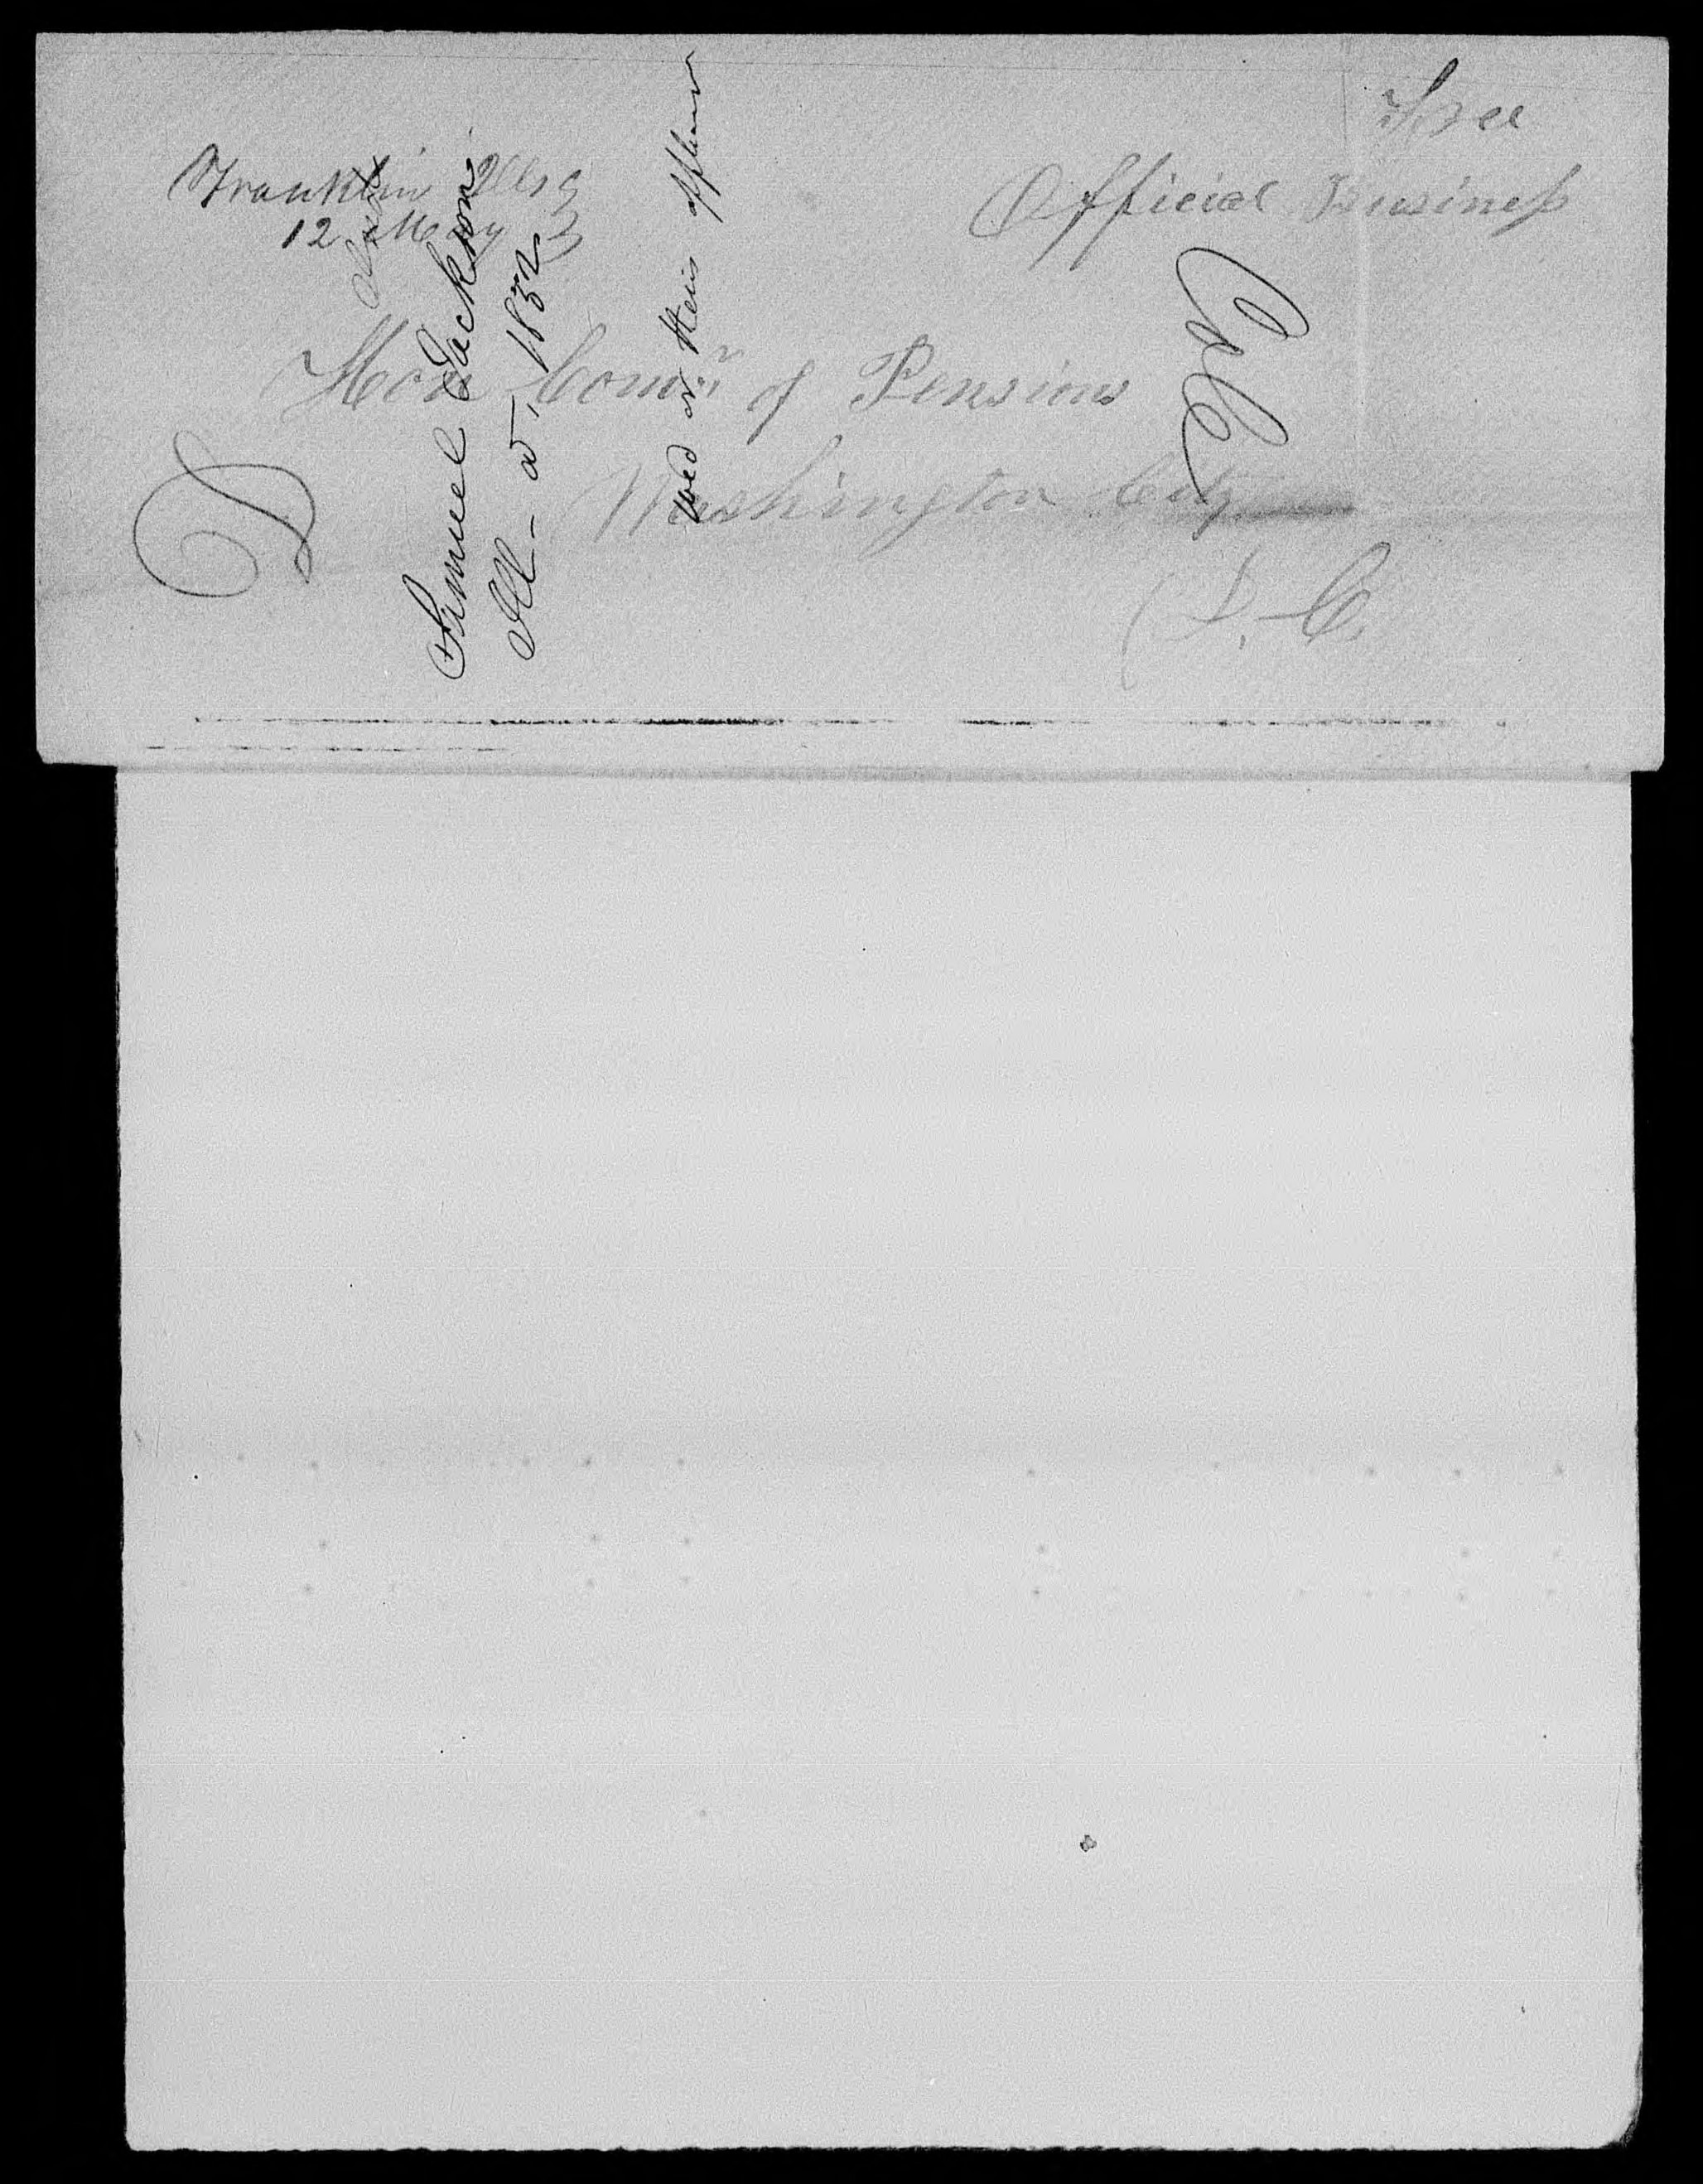Franklin Illinois
12. May

Free
Office Business

Hon Commr of Pensions
Washington City
D. C.

D

Ind

Samuel Jackson
Ill _ D 1832

Wed or Thurs [illegible]

CoC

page: 39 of 56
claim: rejected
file: R 5529, for Samuel Jackson, Virginia